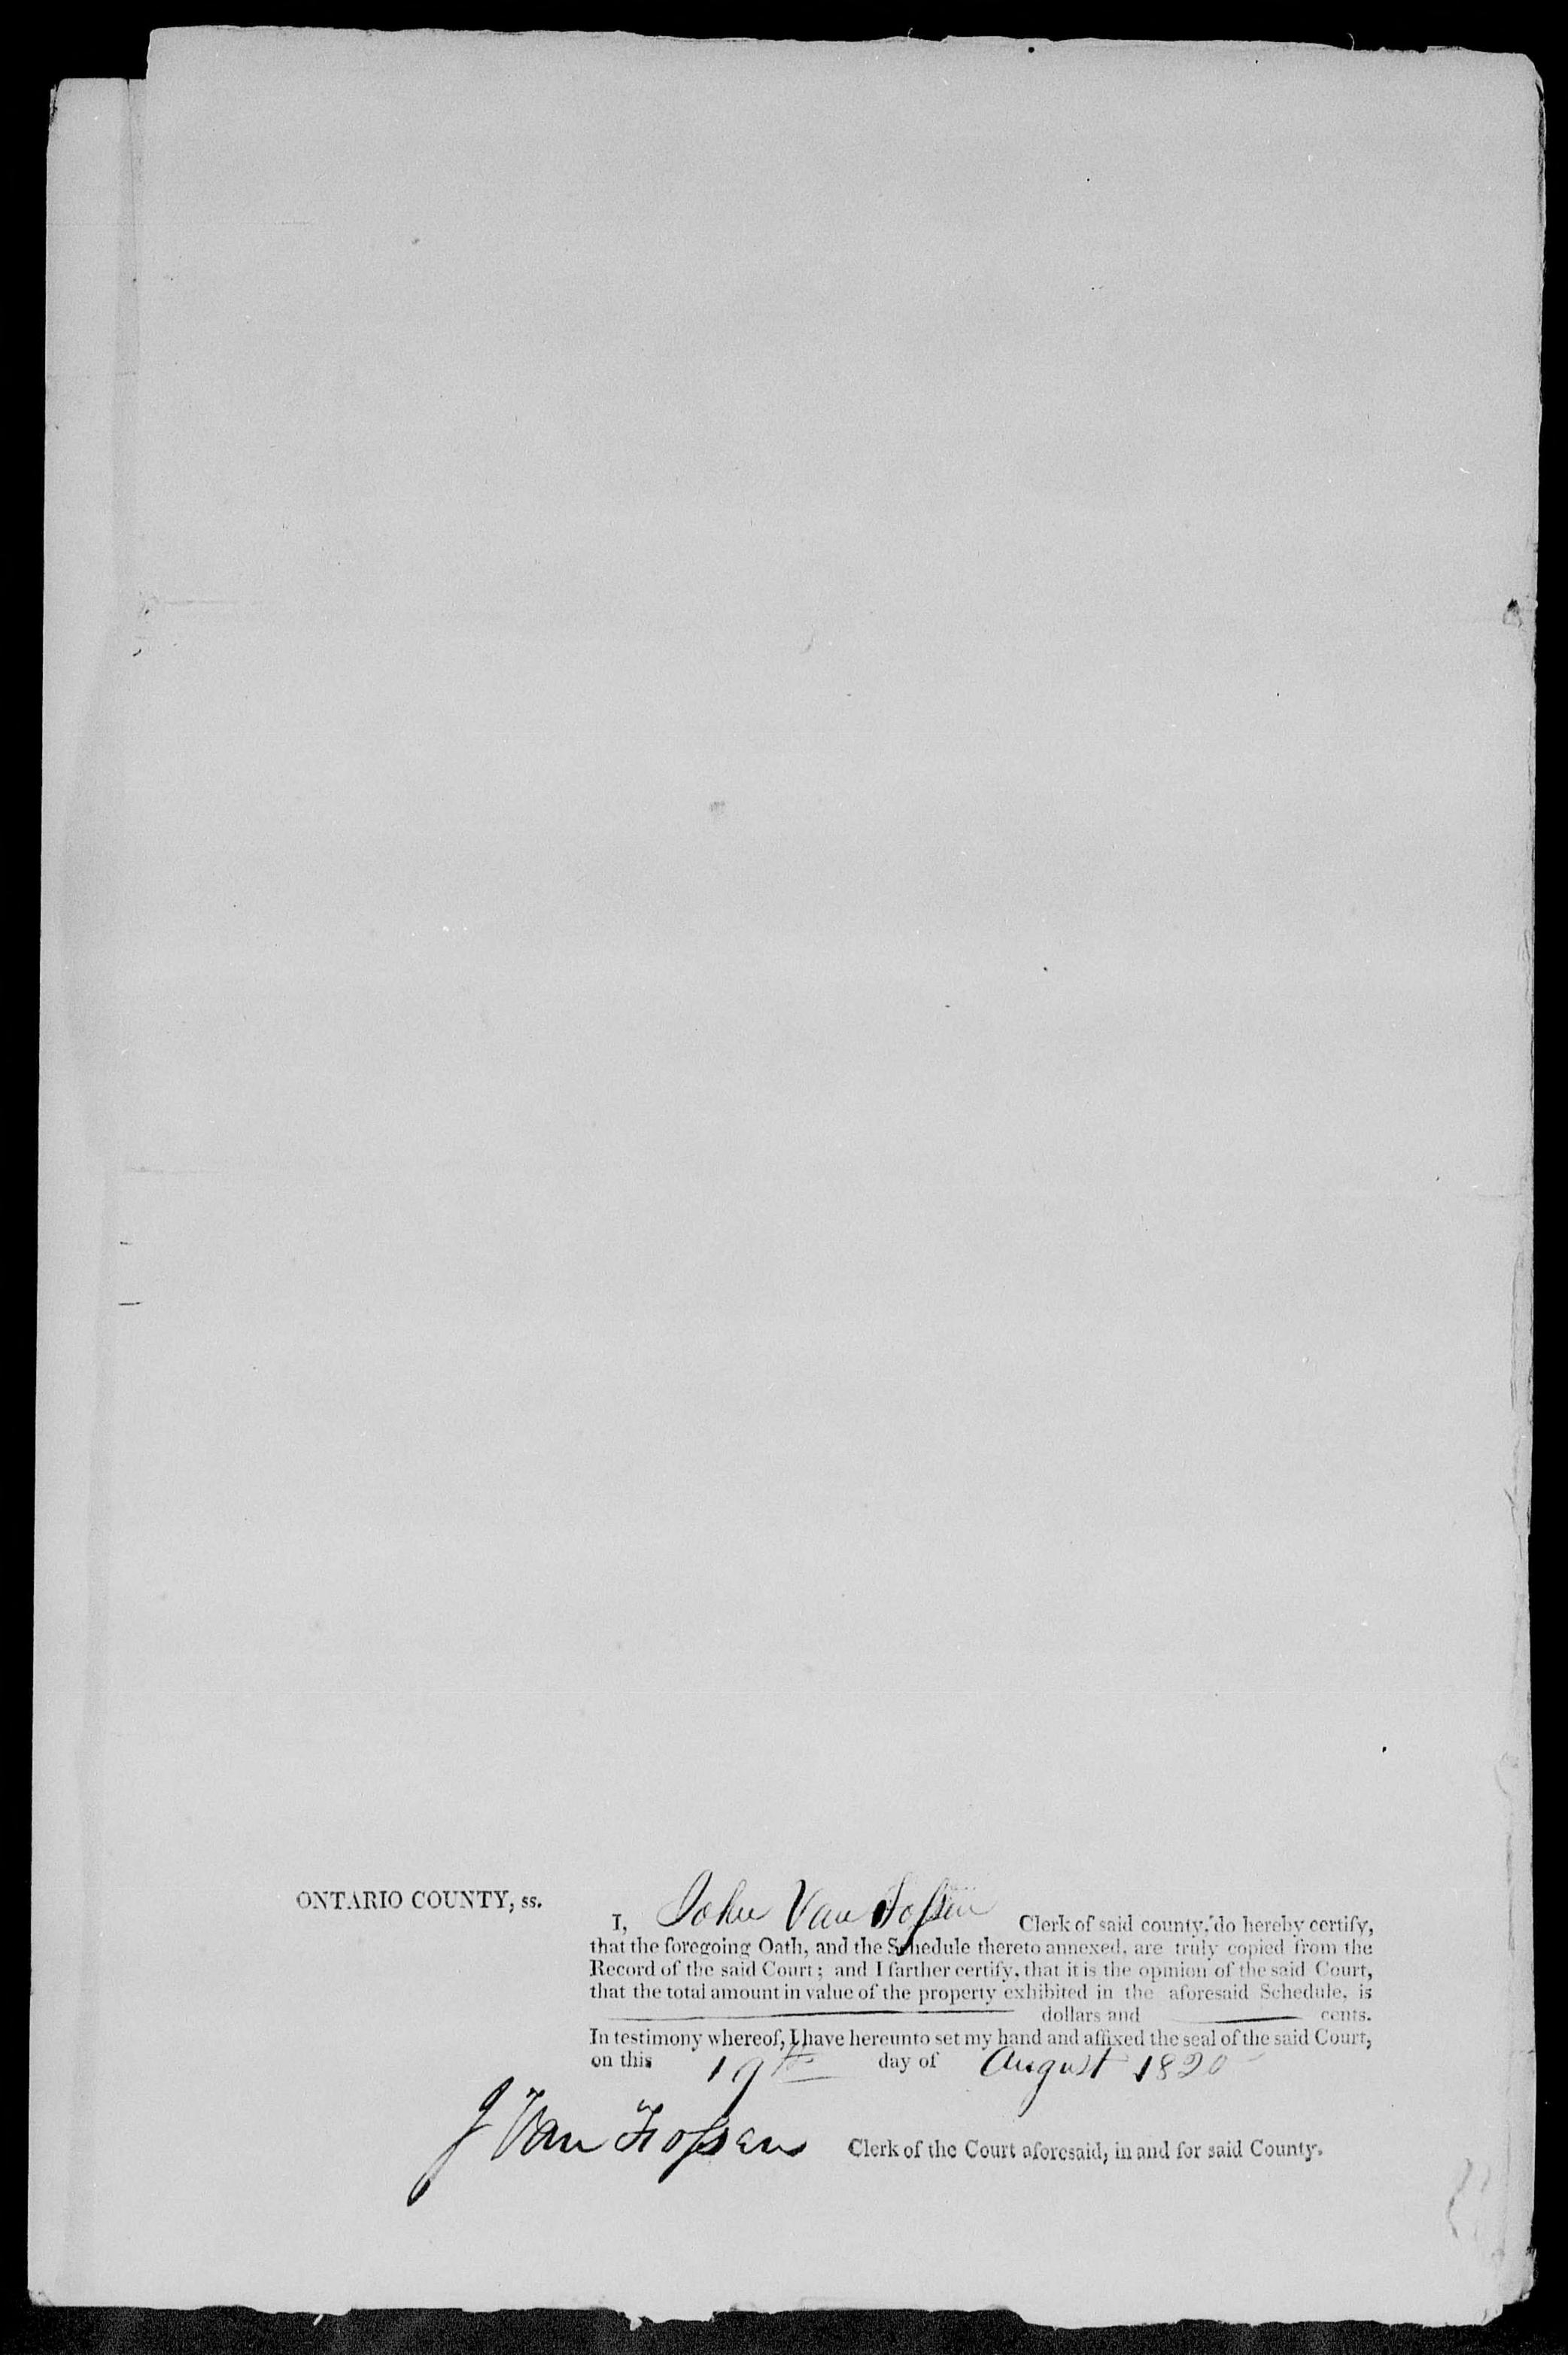ONTARIO COUNTY, ss. I, John Van Fossen, Clerk of said county, do hereby certify, that the foregoing Oath, and the Schedule thereto annexed, are truly copied from the Record of the said Court; and I farther certify, that it is the opinion of the said Court, that the total amount in value of the property exhibited in the aforesaid Schedule, is ___ dollars and ___ cents. In testimony whereof, I have hereunto set my hand and affixed the seal of the said Court, on this 19th day of August 1820 
J Van Fossen Clerk of the Court aforesaid, in and for said County.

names: John Van Fossen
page: 8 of 14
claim: survivor's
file: S. 42844, for John Lester, New York